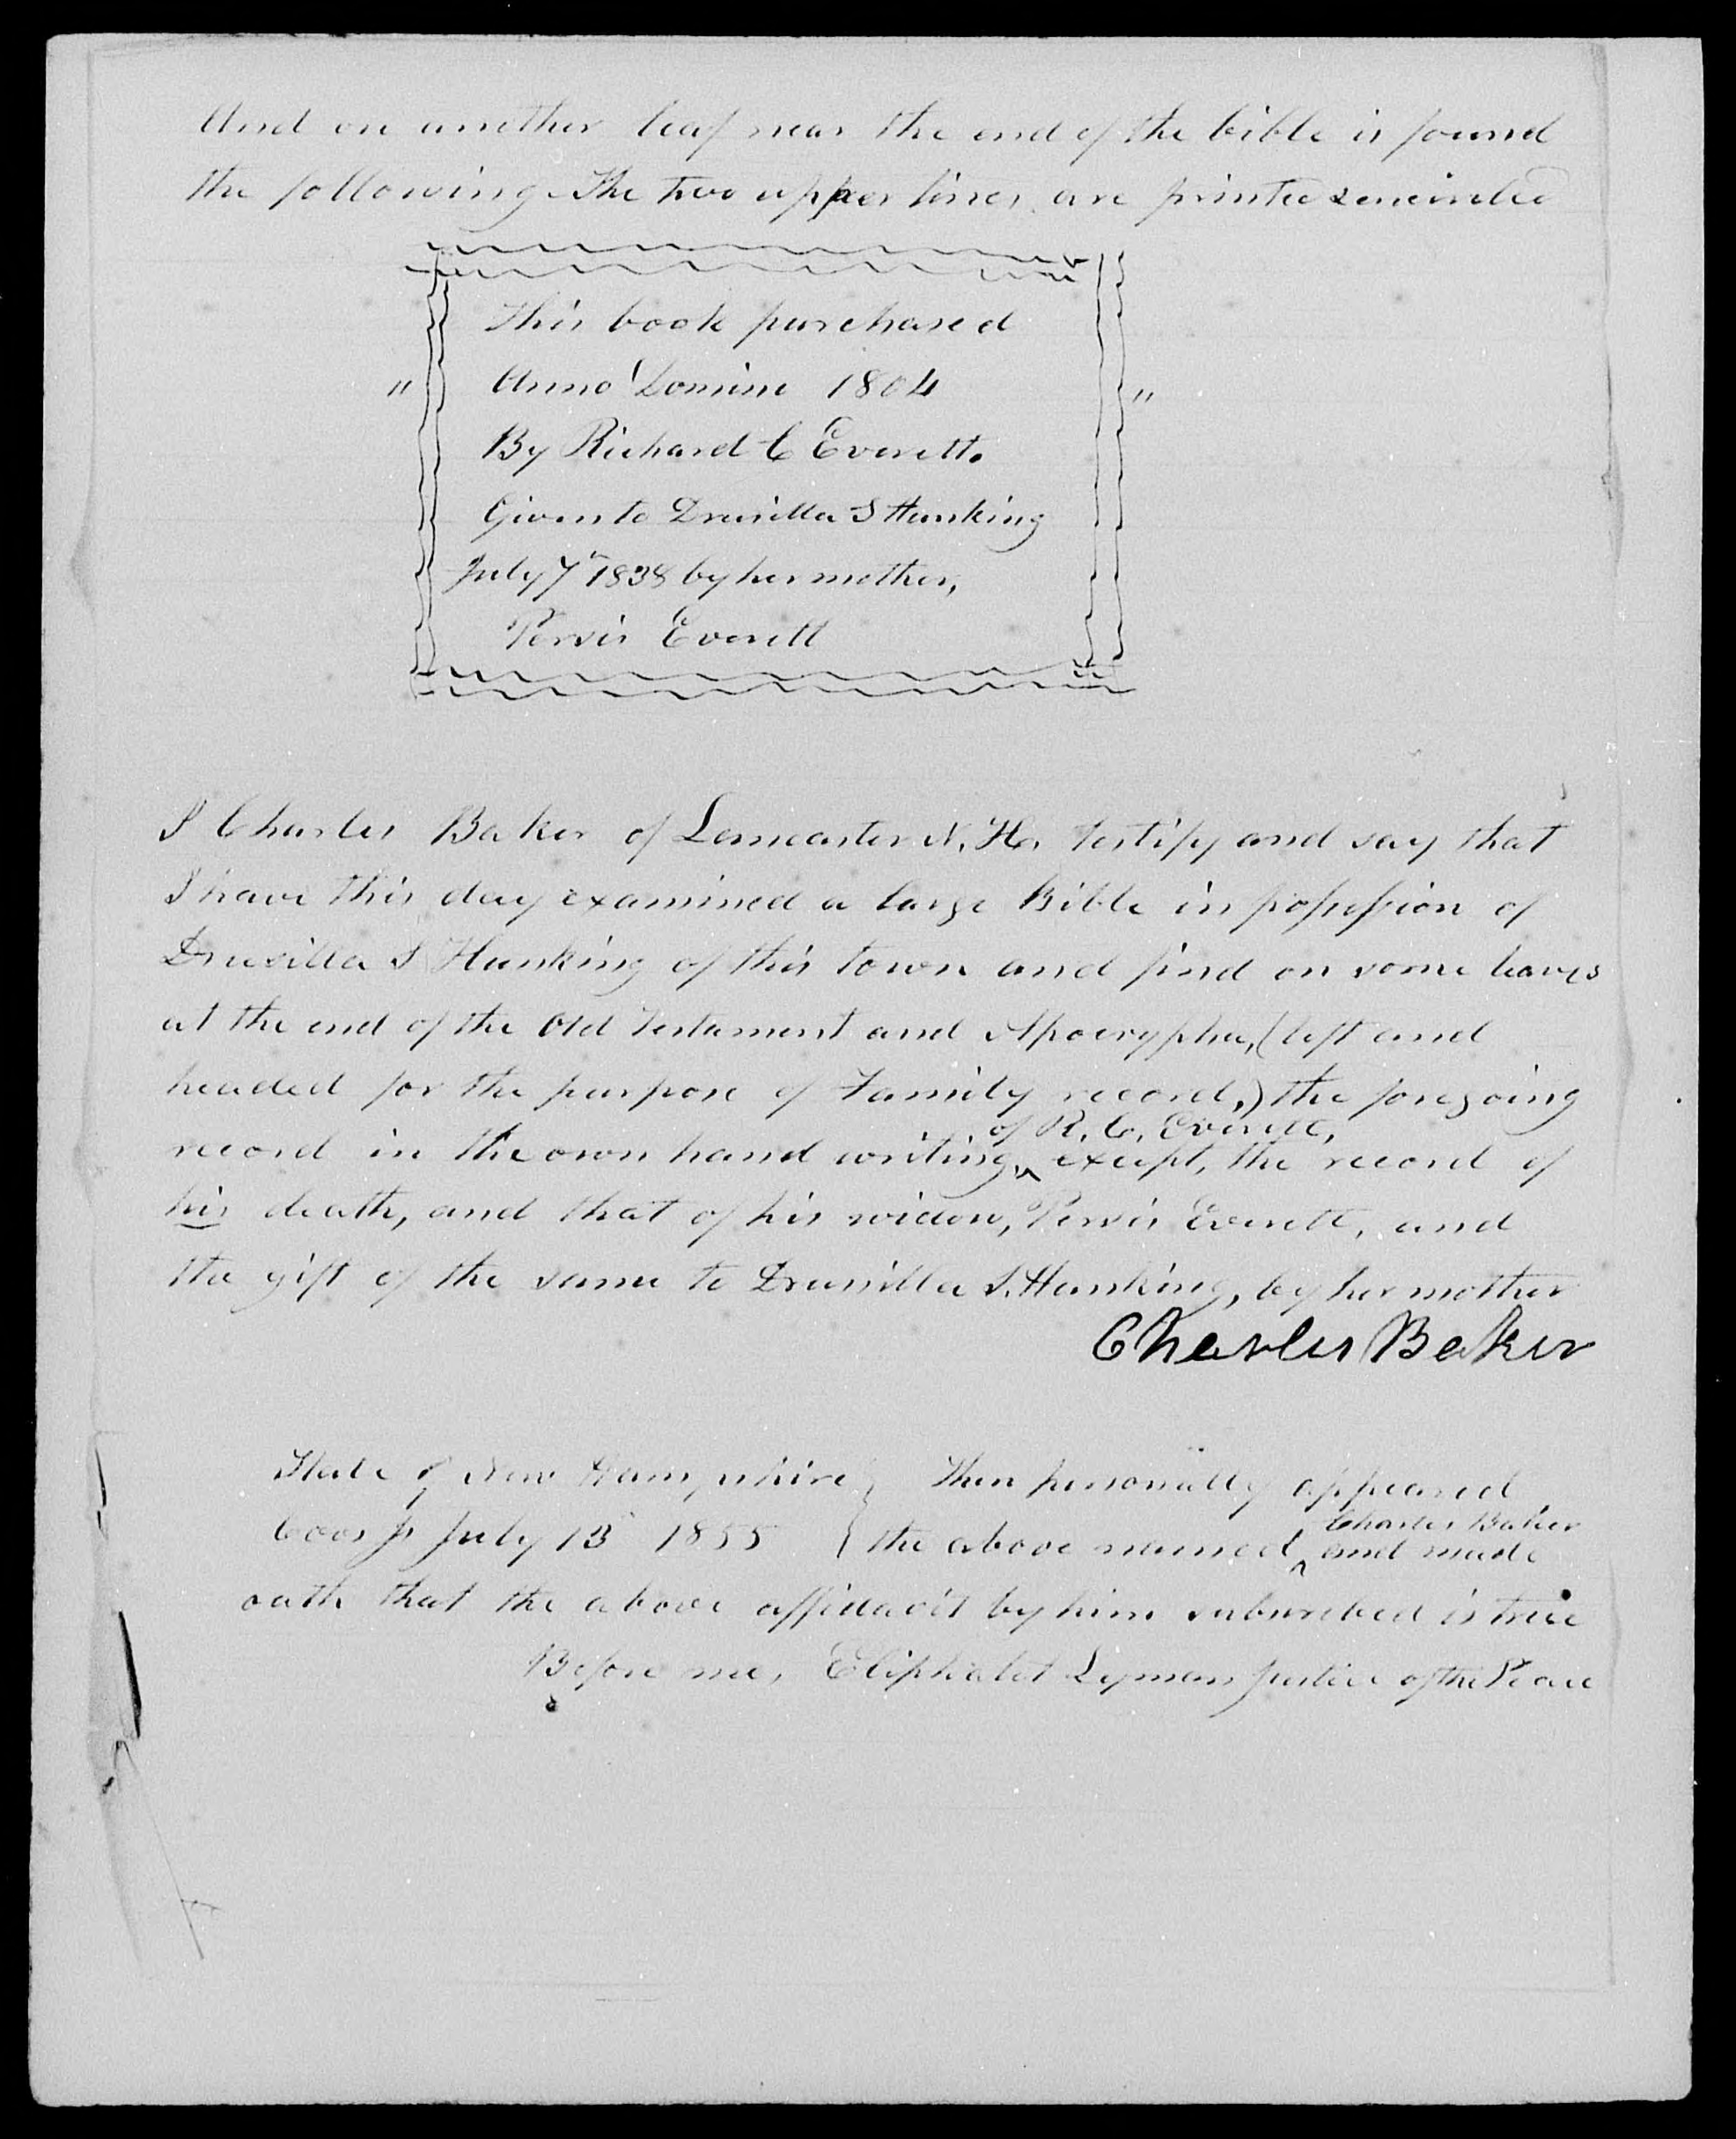and on another leaf near the end of the bible is found the following the two upper lines are printed & encircled

"This book purchased
Anno Domini 1804
By Richard C Everett
Given to Drusilla S 
July 7 1838 by her mother,
Persis Everett"

I Charles Baker of Lancaster N.H. testify and say that I have this day examined a large Bible in possession of Drusilla S Hunking of this town and find on some leaves at the end of the Old Testament and Apocrypha, (left and headed for the purpose of family record,) the foregoing record in the own hand writing of R. C. Everett except, the record of his death, and that of his widow, Persis Everett, and the gift of the same to Drusilla J. Hunking, by her mother
Charles Baker (signature) 

State New Hampshire 
Coos Ss.  July 13 1855}4
Then personally appeared the above named Charles Baker and made oath that the above affidavit by him subscribed is true
Before me, Eliphalet Lyman Justice of the Peace (signature)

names: Drussilla S Hunking, Richard C Everett, Persis Everett, Drusilla S Hunking, Drusilla S Hunking, Charles Baker, Charles Baker, Eliphalet Lyman, Charles Baker, R C Everett, Persis Everett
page: 12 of 59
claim: widow's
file: W. 23017, Richard Clair Everett, Mass.